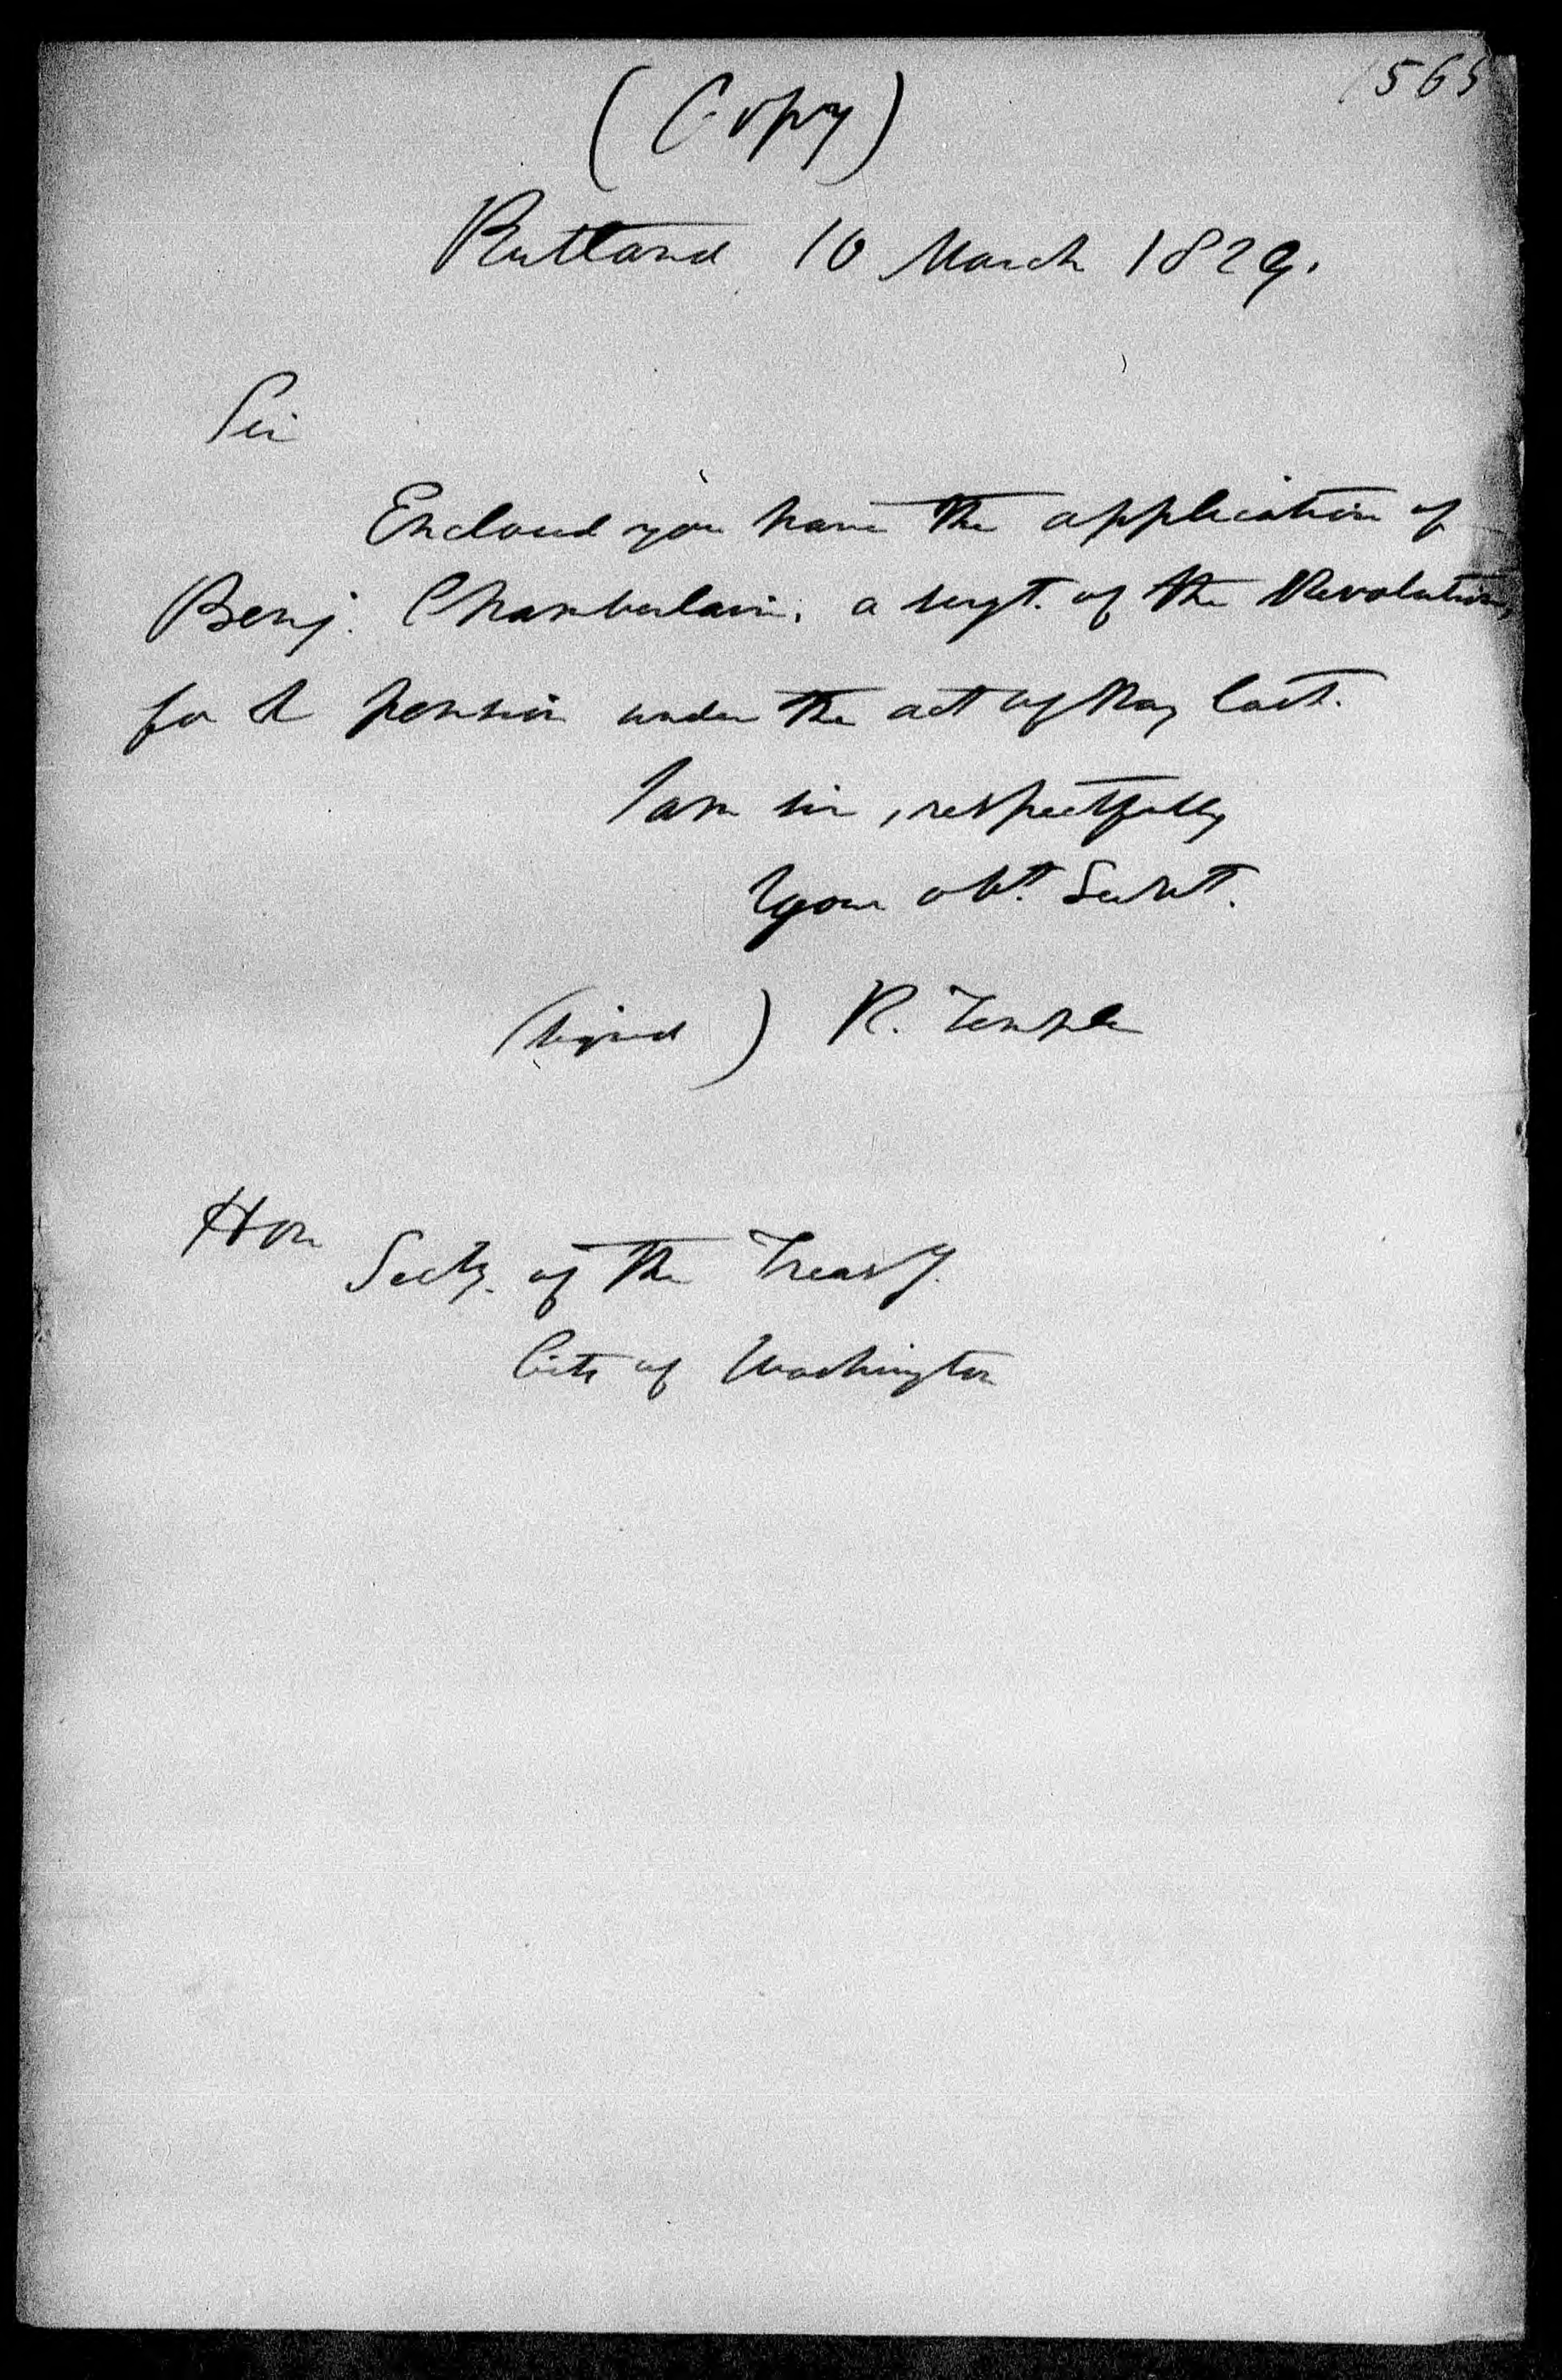(Copy)                                                   1565

Sir
Enclosed you have the application of Benjamin Chamberlain, a sergeant of the Revolution for a pension under the act of May last.

I am sir, respectfully
your obedient servant

(signed)  R. Temple

Honorable Secretary of the Treasury
City of Washington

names: Benj Chamberlain, R Temple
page: 30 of 30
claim: survivor's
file: S. 39306, Benjamin Chamberlin, Mass.